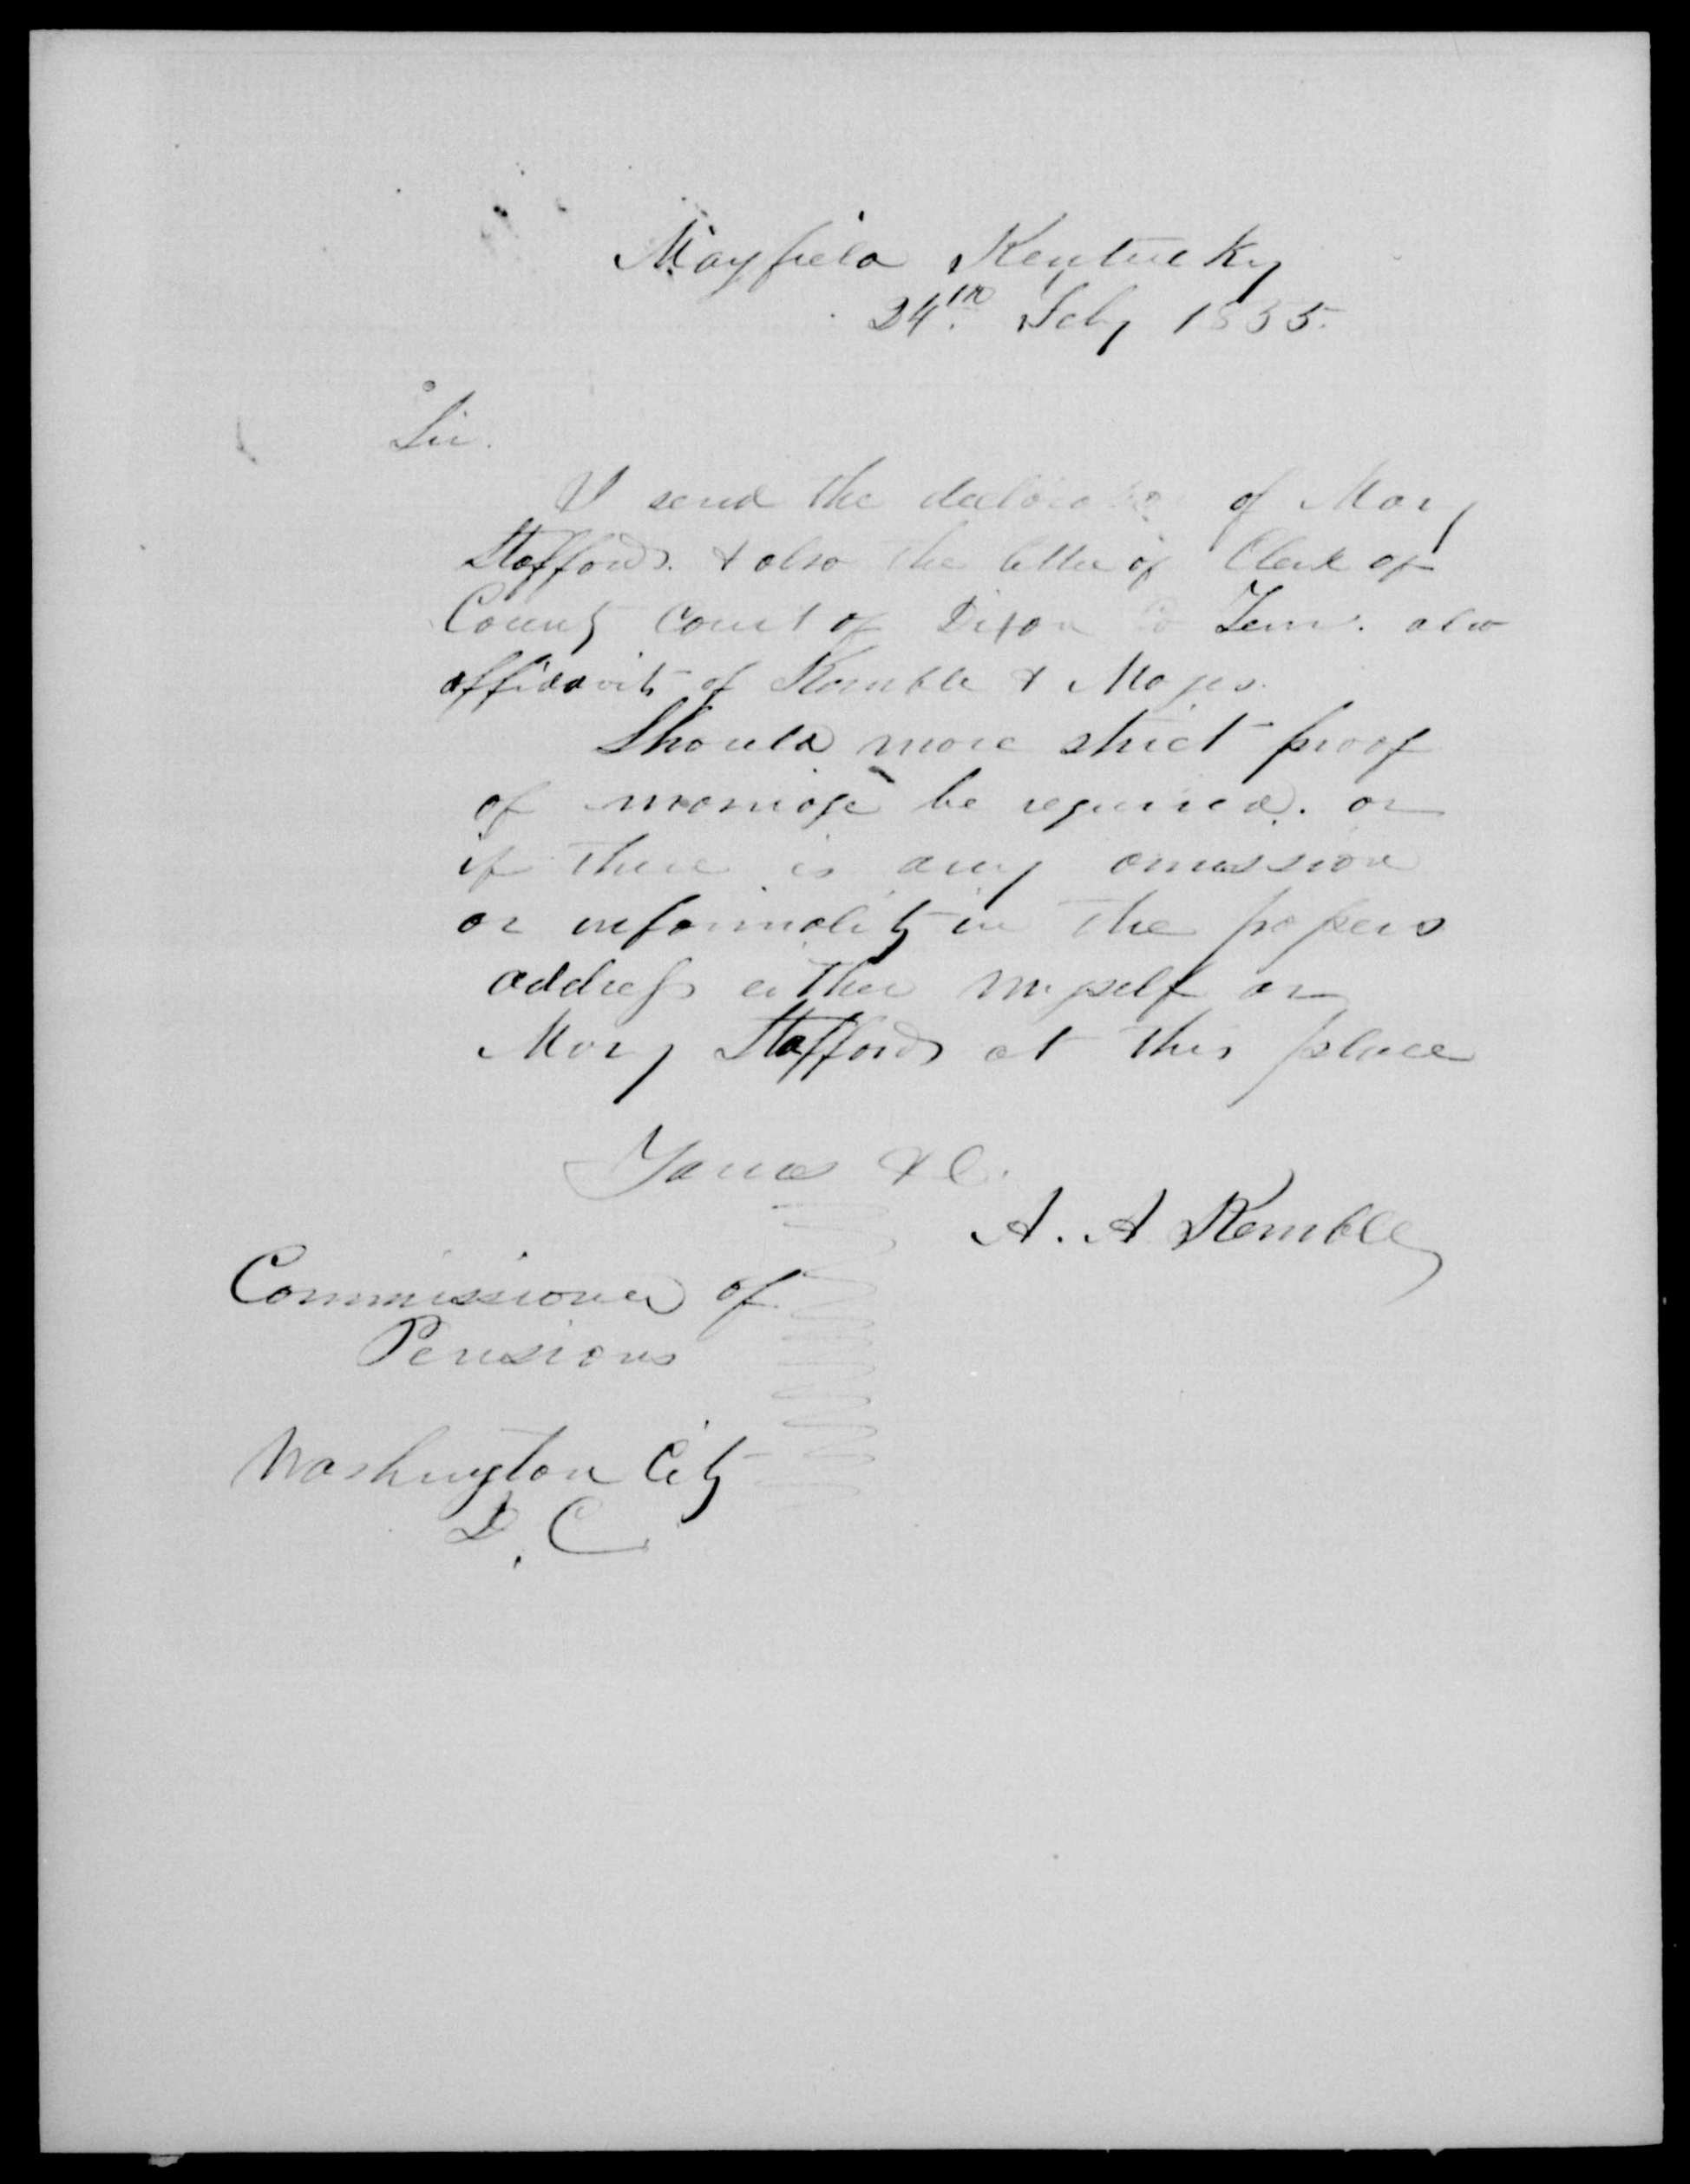Mayfield Kentucky 
24th July 1855

Dear Sir

	I send the dators of Mary Stafford. I also the letter of  Clerk of County Court. of Dixon Tenn: also affidavits of the Kemble & Mayes.
	Should more strict proof of marriage be required or if there is any commission or unfamiliarity in the papers address, either myself  or  Mary Stafford at this place

Yours &c A. A. Kemble
Commissioner of Pensions
Washington City D.C.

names: [BLANK] Kemble; A A Kemble; Mary Stafford; Mary Stafford; [BLANK] Mayes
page: 50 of 61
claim: widow's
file: W. 11554, for John Stafford, Maryland